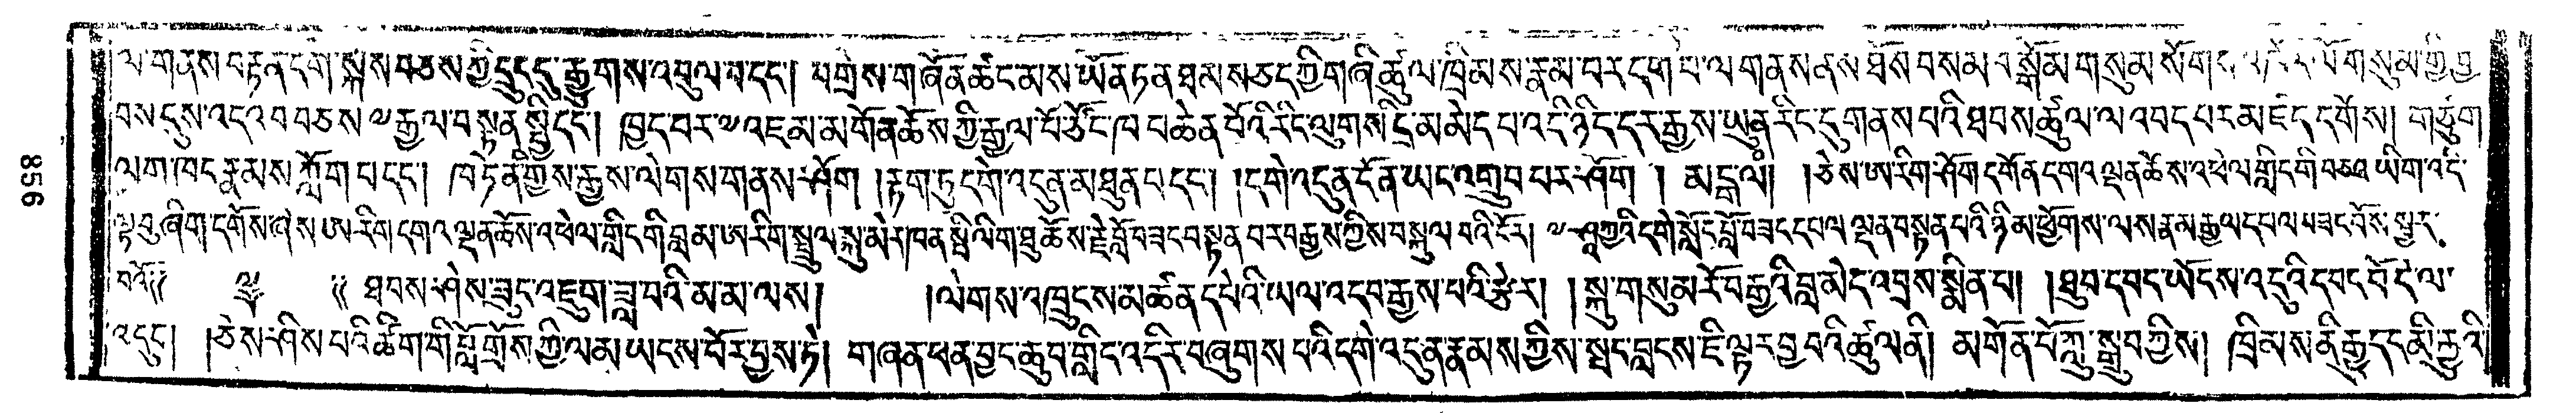ལ་གནས་བརྟན་དགེ་སྐོས་བཅས་ཀྱི་དྲུང་དུ་རྒྱུགས་འབུལ་བ་དང་། བགྲེས་གཞོན་ཚང་མས་ཡོན་ཏན་ཐམས་ཅད་ཀྱི་གཞི་ཚུལ་ཁྲིམས་རྣམ་བར་དག་པ་ལ་གནས་ནས་ཐོས་བསམ་བསྒོམ་གསུམ་སོགས་འཁོར་ལོ་གསུམ་གྱི་བྱ་
བས་དུས་འདའ་བ་བཅས་༧་རྒྱལ་བསྟན་སྤྱི་དང་། ཁྱད་བར་༧་འཇམ་མགོན་ཆོས་ཀྱི་རྒྱལ་པོ་ཙོང་ཁ་པ་ཆེན་པོའི་རིང་ལུགས་དྲི་མ་མེད་པ་འདི་ཉིད་དར་རྒྱས་ཡུན་རིང་དུ་གནས་པའི་ཐབས་ཚུལ་ལ་འབད་པར་མཛད་དགོས། གཙུག་
ལག་ཁང་རྣམས་ཀློག་པ་དང་། ཁ་ཏེན་གྱིས་རྒྱས་ལེགས་གནས་ཤོག །རྟག་ཏུ་དགེ་འདུན་མཐུན་པ་དང་། །དགེ་འདུན་དོན་ཡང་འགྲུབ་པར་ཤོག །མདག་ལཾ། །ཅེས་ཨ་རིག་ཤོག་དགོན་དགའ་ལྡན་ཆོས་འཕེལ་གླིང་གི་བཅའ་ཡིག་འདི་
ལྟ་བུ་ཞིག་དགོས་ཞེས་ཨ་རིག་དགའ་ལྡན་ཆོས་འཕེལ་གླིང་གི་བླ་མ་ཨ་རིག་སྤྲུལ་སྐུ་མེར་ཁན་སྦི་ལིག་ཐུ་ཆོས་རྗེ་བློ་བཟང་བསྟན་བ་རབ་རྒྱས་ཀྱིས་བསྐུལ་བའི་ངོར། ༧་ཤཱཀྱའི་དགེ་སློང་བློ་བཟང་དཔལ་ལྡན་བསྟན་པའི་ཉི་མ་ཕྱོགས་ལས་རྣམ་རྒྱལ་དཔལ་བཟང་བོས་སྦྱར་
བའོ༑༑ ༈ ༑༑ཐབས་ཤེས་ཟུང་འཇུག་ཟླ་བའི་མ་མ་ལས། །ལེགས་འཁྲུངས་མཚན་དཔེའི་ཡལ་འདབ་རྒྱས་པའི་རྩེར། །སྐུ་གསུམ་རོ་བརྒྱའི་བླ་མེད་འབྲས་སྨིན་པ། །ཐུབ་དབང་ཡོངས་འདུའི་དབང་བོ་དེ་ལ་
འདུག །ཅེས་ཤིས་པའི་ཚིག་གི་བློ་གྲོས་ཀྱི་ལམ་ཡངས་བོར་བྱས་ཏེ། གཞན་ཕན་བྱང་ཆུབ་གླིང་འདིར་བཞུགས་པའི་དགེ་འདུན་རྣམས་ཀྱིས་སྤང་བླངས་ཇི་ལྟར་བྱ་བའི་ཚུལ་ནི། མགོན་པོ་ཀླུ་སྒྲུབ་ཀྱིས། ཁྲིམས་ནི་རྒྱུ་དང་མི་རྒྱུའི་